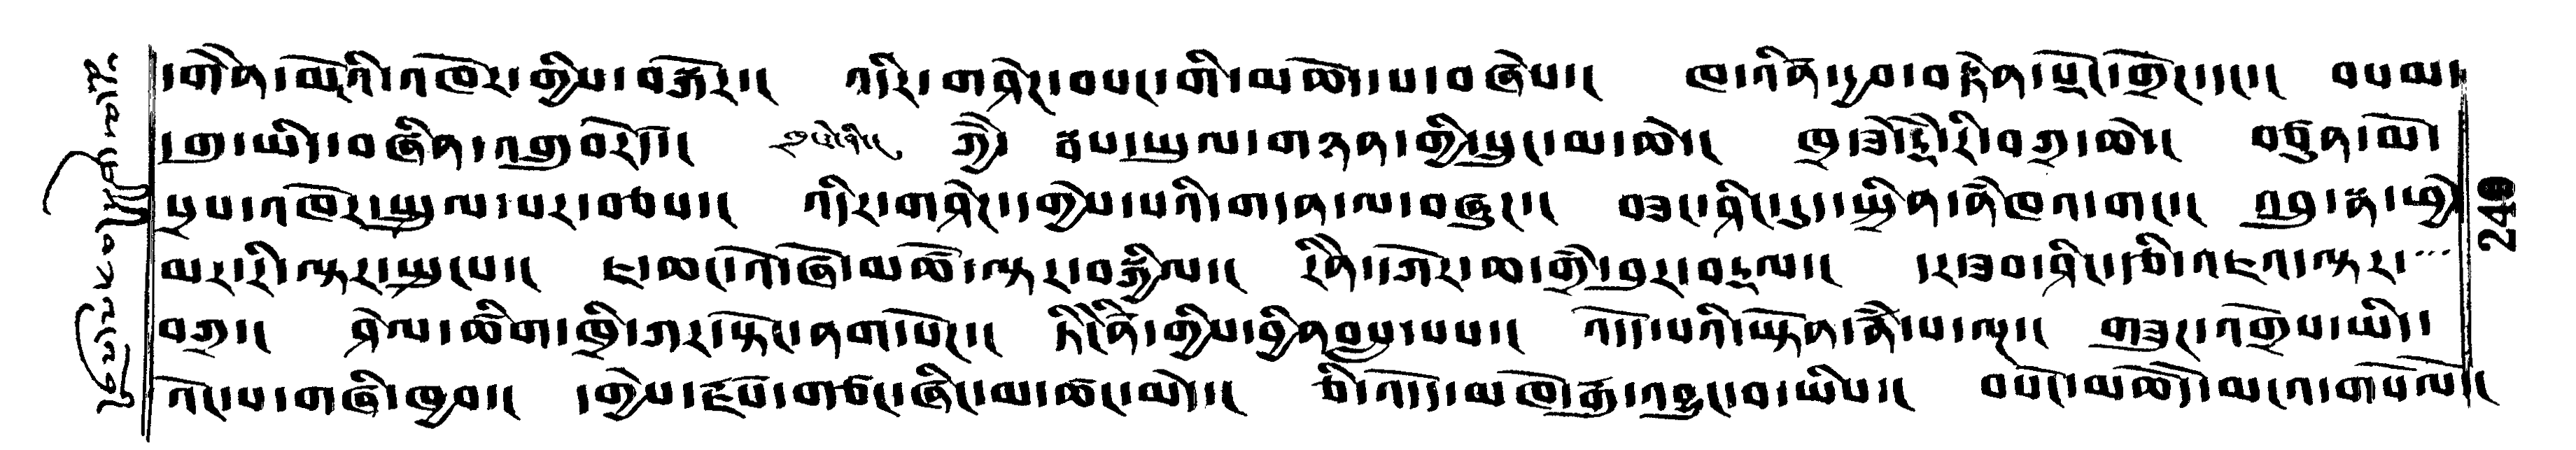།དགེ་བསྙེན་མང་པོའི་འཁོར་གྱིས་བསྐོར། །འདིར་གཤེགས་བསང་གི་མཆོད་པ་བཞེས། །ཁ་འཛིན་རྒྱབ་བརྟེན་སྡོང་གྲོགས་དང་། །བསམ་
རྒུ་ཡིད་བཞིན་འགྲུབ་བར་མཛོད། ཁྲ་ཟེ་ནི། ཀྱཻ། སྦས་ཡུལ་གཉན་གྱི་སྲུང་མ་ཆེ། །ཁྲ་ཟེ་རྡོ་རྗེ་རི་བཀྲ་ཆེ། །བཙུན་མོ་
སྲས་འཁོར་སྤྲུལ་པར་བཅས། །འདིར་གཤེགས་དགྱེས་པའི་གདན་ལ་བཞུགས། །བཟང་ཤིང་དུ་སྤྲིན་ནམ་མཁའ་གང་། །འབྲུ་སྣ་ཕྱེ་
མར་རི་ལྟར་སྤུངས། །ཇ་ཆང་འོ་ཞོ་མཚོ་ལྟར་བསྐྱིལ། །རིན་ཆེན་དཀོར་ཆ་གྲམ་བུར་བརྡལ། །དར་ཟབ་ཤིང་རྩི་འཇའ་ལྟར་
བཀྲ། །ཤེལ་ཚིག་ཁྲི་ཀར་སྟོང་ནག་སོགས། །ཏིང་ངེ་འཛིན་གྱིས་བྱིན་བརླབས་པས། །འདོད་པའི་ཡོན་ཏན་རྣམ་པ་ལྔ། །གཟུགས་འགྲོས་ཡིད་
འོང་ས་གཞི་ཁྱབ། །དགྱེས་རྫས་གཙང་ཞིང་མ་ཚང་མེད། །ཅི་འདོད་མཁོ་རྒུ་འབྱུང་བ་ཡིས། །བསང་ངོ་མཆོད་དོ་མངའ་གསོལ་ལོ།